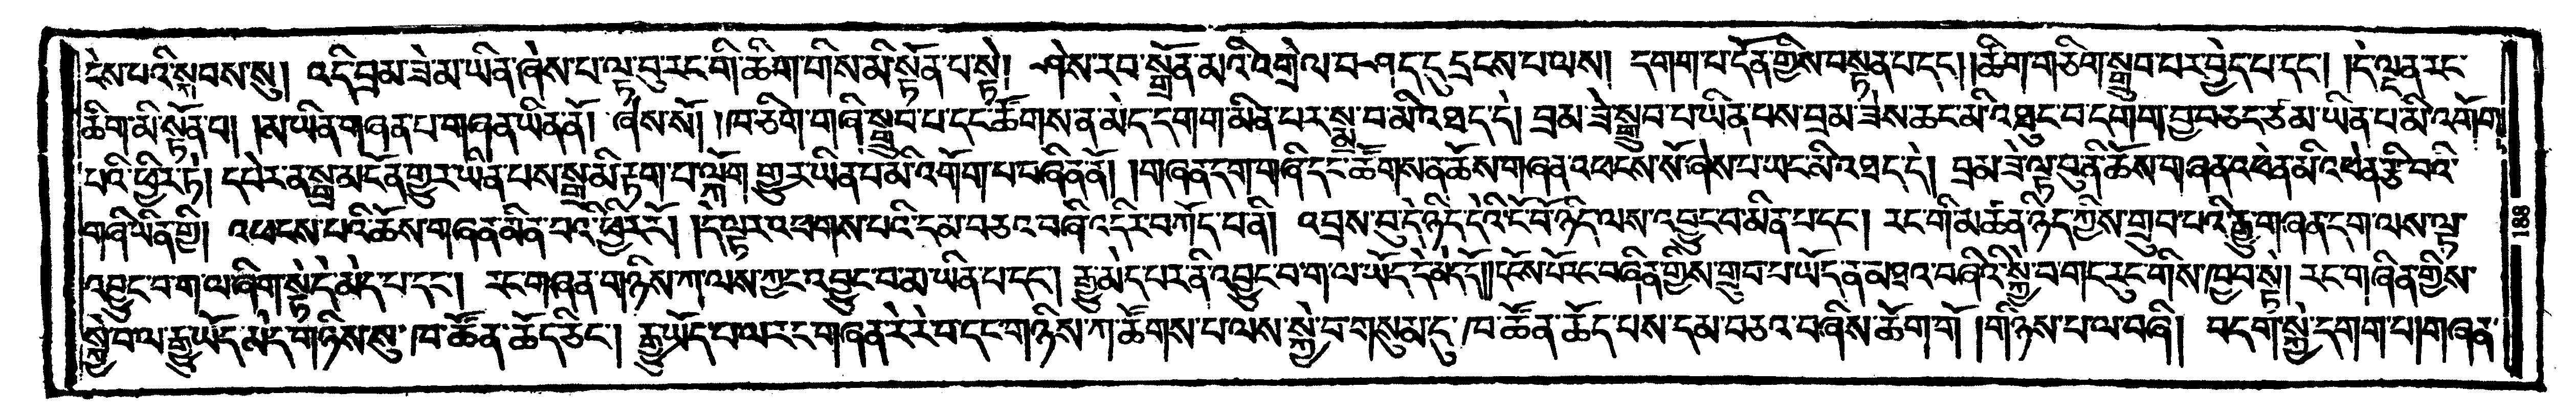ངེས་པའི་སྐབས་སུ། འདི་བྲམ་ཟེ་མ་ཡིན་ཞེས་པ་ལྟ་བུ་རང་གི་ཚིག་གིས་མི་སྟོན་པ་སྟེ། ཤེས་རབ་སྒྲོན་མའི་འགྲེལ་བཤད་དུ་དྲངས་པ་ལས། དགག་པ་དོན་གྱིས་བསྟན་པ་དང་། །ཚིག་གཅིག་སྒྲུབ་པར་བྱེད་པ་དང་། །དེ་ལྡན་རང་
ཚིག་མི་སྟོན་པ། །མ་ཡིན་གཞན་པ་གཞན་ཡིན་ནོ། ཞེས་སོ། །ཁ་ཅིག་གཞི་སྒྲུབ་པ་དང་ཚོགས་ན་མེད་དགག་མིན་པར་སྨྲ་བ་མི་འཐད་དེ། བྲམ་ཟེ་སྒྲུབ་པ་ཡིན་པས་བྲམ་ཟེས་ཆང་མི་འཐུང་བ་དགག་བྱ་བཅད་ཙམ་ཡིན་པ་མི་འགོག་
པའི་ཕྱིར་ཏེ། དཔེར་ན་སྒྲ་མངོན་གྱུར་ཡིན་པས་སྒྲ་མི་རྟག་པ་ལྐོག་གྱུར་ཡིན་པ་མི་འགོག་པ་བཞིན་ནོ། །གཞན་དག་གཞི་དང་ཚོགས་ན་ཆོས་གཞན་འཕངས་སོ་ཞེས་པ་ཡང་མི་འཐད་དེ། བྲམ་ཟེ་ལྟ་བུ་ནི་ཆོས་གཞན་འཕེན་མི་འཕེན་རྩི་བའི་
གཞི་ཡིན་གྱི། འཕངས་པའི་ཆོས་གཞན་མིན་པའི་ཕྱིར་རོ། །དེ་ལྟར་འཕགས་པའི་དམ་བཅའ་གཞི་འདིར་བཀོད་པ་ནི། འབྲས་བུ་དེ་ཉིད་དེའི་ངོ་བོ་ཉིད་ལས་འབྱུང་བ་མིན་པ་དང་། རང་གི་མཚན་ཉིད་ཀྱིས་གྲུབ་པའི་རྒྱུ་གཞན་དག་ལས་ལྟ་
འབྱུང་བ་ག་ལ་ཞིག་སྟེ་དེ་མེད་པ་དང་། རང་གཞན་གཉིས་ཀ་ལས་ཀྱང་འབྱུང་བ་མ་ཡིན་པ་དང་། རྒྱུ་མེད་པར་ནི་འབྱུང་བ་ག་ལ་ཡོད་དེ་མེད་དོ། །དངོས་པོ་རང་བཞིན་གྱིས་གྲུབ་པ་ཡོད་ན་མཐའ་བཞིའི་སྐྱེ་བ་གང་རུང་གིས་ཁྱབ་སྟེ། རང་བཞིན་གྱིས་
སྐྱེ་བ་ལ་རྒྱུ་ཡོད་མེད་གཉིས་སུ་ཁ་ཚོན་ཆོད་ཅིང་། རྒྱུ་ཡོད་པ་ལ་རང་གཞན་རེ་རེ་བ་དང་གཉིས་ཀ་ཚོགས་པ་ལས་སྐྱེ་བ་གསུམ་དུ་ཁ་ཚོན་ཆོད་པས་དམ་བཅའ་བཞིས་ཆོག་གོ །གཉིས་པ་ལ་བཞི། བདག་སྐྱེ་དགག་པ། གཞན་